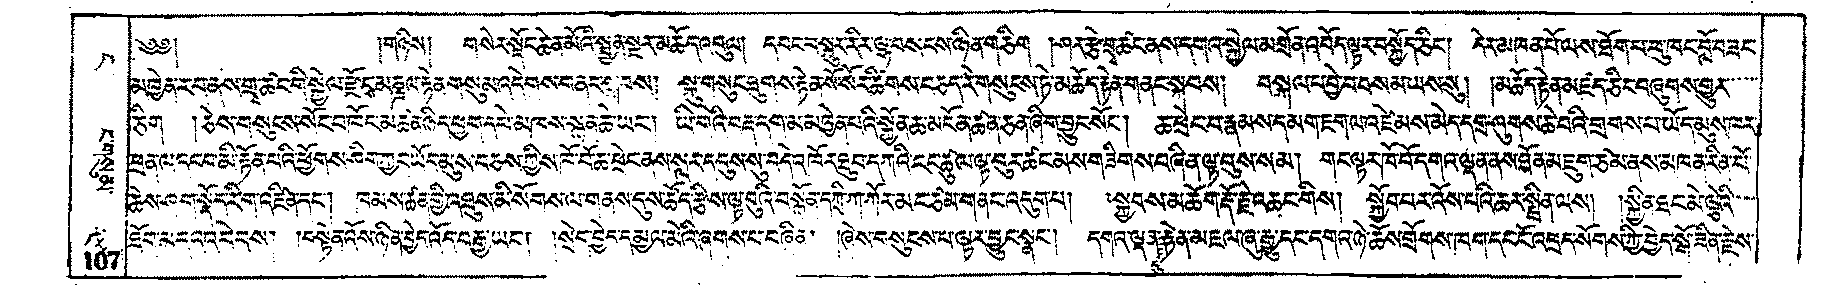༄༅། །གཉིས། གསེར་སྡོང་ཆེན་མོའི་སྤྱན་སྔར་མཆོད་འབུལ། དབང་བསྐུར་རིར་ལྷ་བསངས་ཉིན་གཅིག །ཤར་རྩེ་གྲྭ་ཚང་ནས་དགའ་སྐྱེལ་མགྲོན་འབོད་ལྟར་བསྐྱོད་ཅིང་། དེར་མཁན་པོ་ལས་ཐོག་པ་ཕུ་ཁང་བློ་བཟང་
མཁྱེན་རབ་ནས་གྲྭ་ཚང་གི་སྐྱེལ་རྫོངས་མཎྜལ་རྟེན་གསུམ་འདེགས་གནང་སྐབས། སྐུ་གསུང་ཐུགས་རྟེན་སོ་སོར་ཚིགས་བཅད་རེ་གསུངས་ཏེ་མཆོད་རྟེན་གནང་སྐབས། བསྐལ་པ་བྱེ་བ་བསམ་ཡས་སུ། །མཆོད་རྟེན་མཛད་ཅིང་བཞུགས་གྱུར་
ཅིག །ཅེས་གསུངས་སོང་བ་ཁོང་མཚན་ཉིད་ཕྱག་དཔེ་མཁས་སྙན་ཆེ་ཡང་། ཡི་གེའི་བརྡ་དག་མ་མཁྱེན་པའི་སྐྱོན་ཆ་མངོན་ཚན་ཅན་ཞིག་བྱུང་སོང་། ཆ་ཕྲེང་བ་རྣམས་དམག་ཇག་ལ་འཛེམས་མེད་དགྲ་ཤུགས་ཆེ་བའི་གྲགས་པ་ཡོད་མུས་ཁར་
ཕྲན་ལ་དང་བ་མི་རྟོན་པའི་ཕྱོགས་ཤིག་ཀྱང་ཡོད་མུས་བཅས་ཀྱིས་ཁོ་བོ་ཆ་ཕྲེང་ནས་སླར་དབུས་སུ་བདེ་འཁོར་ཐུབ་དཀའི་ངང་ཚུལ་ལྟ་བུར་ཚང་མས་གཟིགས་བཞིན་ལྟ་བུས་སམ། གང་ལྟར་ཁོ་བོ་དགའ་ལྡན་ནས་ཐོན་མཇུག་ཙམ་ནས་མཁན་རིན་པོ་
ཆེས་ཤག་སྡོད་རིག་འཛིན་དང་། ཁམས་ཚན་གྱི་འཐུས་མི་སོགས་ལ་གནས་དུས་ཚོད་རྩིས་ལྟ་བུའི་བསྙོན་དཀྲི་ཀ་ཀོར་མང་ཙམ་གནང་འདུག་པ། ༧སྐྱབས་མཆོག་རྡོ་རྗེ་འཆང་གིས། སྐྱོབ་པར་འོས་པའི་ཆར་སྤྲིན་ལས། །སྐྱིན་ཐང་མེ་ལྕེའི་
ཐོག་མདའ་འབེབས། །བསྟེན་འོས་ཉིན་བྱེད་འོད་བརྒྱ་ཡང་། །སྲེག་བྱེད་དམྱལ་མེའི་ཞགས་པ་བཞིན། །ཞེས་གསུངས་པ་ལྟར་བྱུང་སྣང་། དགའ་ལྡན་དུ་རྟེན་མཇལ་ཞུ་རྒྱུ་དང་དགའ་ཉེ་ཆོས་གྲོགས་ཁག་དང་ངོ་འཕྲད་སོགས་ཀྱི་བྱེད་སྒོ་ཟིན་རྗེས་